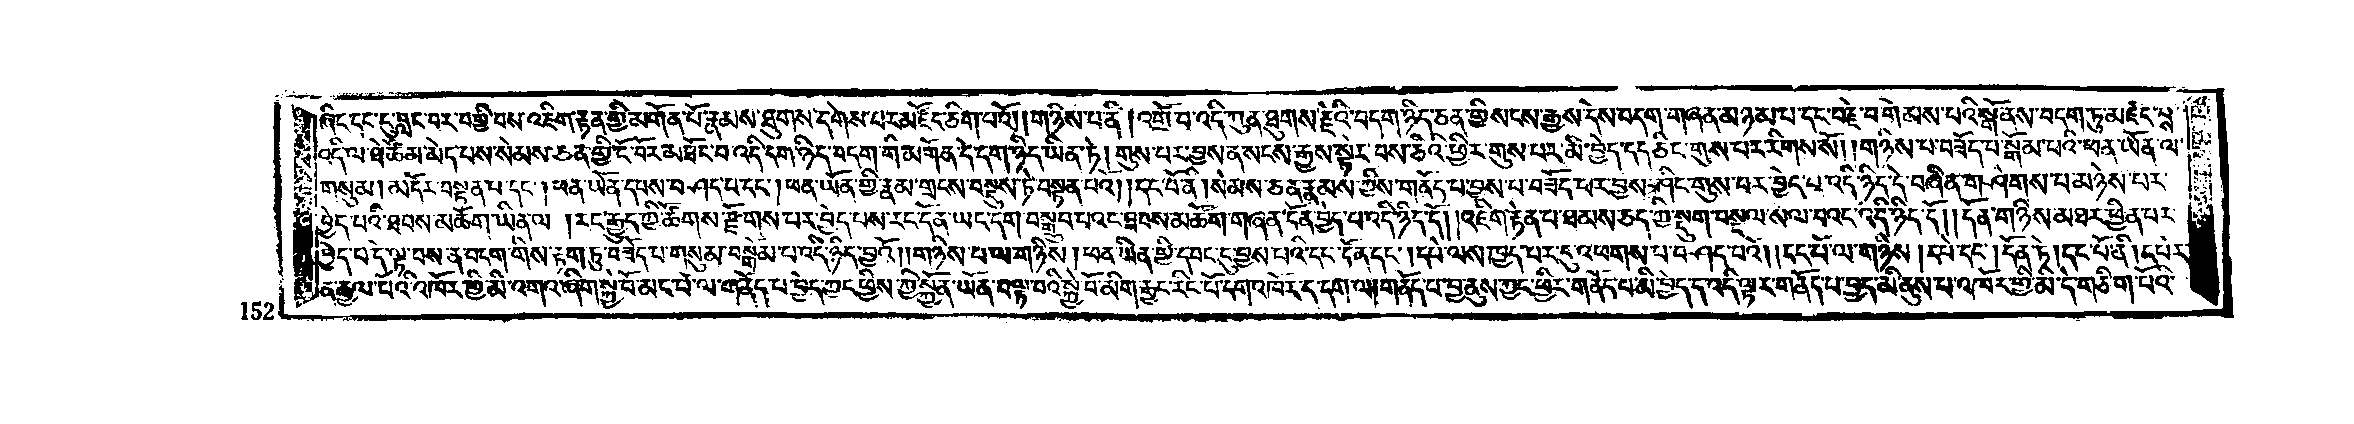ཞིང་དང་དུ་བླང་བར་བགྱི་བས་འཇིག་རྟེན་གྱི་མགོན་པོ་རྣམས་ཐུགས་དགེས་པར་མཛོད་ཅིག་པའོ། །གཉིས་པ་ནི། འགྲོ་བ་འདི་ཀུན་ཐུགས་རྗེའི་བདག་ཉིད་ཆན་གྱི་སངས་རྒྱས་དེས་བདག་གཞན་མཉམ་པ་དང་བརྗེ་བ་གེམས་པའི་སྒོ་ནས་བདག་ཏུ་མཛད་པས་
འདི་ལ་ཐེ་ཚོམ་མེད་པས་སེམས་ཅན་གྱི་ངོ་བོར་མཐོང་བ་འདི་དག་ཉིད་བདག་གི་མགོན་དེ་དག་ཉིད་ཡིན་ཏེ། གུས་པར་བྱས་པར་བྱས་ན་སངས་རྒྱས་སྟེར་བས་ཅིའི་ཕྱིར་གུས་པར་མི་བྱེད་དད་ཅིང་གུས་པར་རིགས་སོ། །གཉིས་པ་བཟོད་པ་སྒོམ་པའི་ཕན་ཡོན་ལ་
གསུམ༑ མདོར་བསྟན་པ་དང་། ཕན་ཡོན་དཔེས?་བཤད་པ་དང་། ཕན་ཡོན་གྱི་རྣམ་གྲངས་བསྡུས་ཏེ་བསྟན་པའོ། །དང་པོ་ནི། སེམས་ཅན་རྣམས་ཀྱིས་གནོད་པ་བྱས་པ་བཟོད་པར་བྱས་ཤིང་གུས་པར་བྱེད་པ་འདི་ཉིད་དེ་བཞིན་གཤེགས་པ་མཉེས་པར་
བྱེད་པའི་ཐབས་མཆོག་ཡིན་ལ། རང་རྒྱུད་ཀྱི་ཚོགས་རྫོགས་པར་བྱེད་པས་རང་དོན་ཡང་དག་བསྒྲུབ་པའང་ཐབས་མཆོག་གཞན་དོན་བྱེད་པ་འདི་ཉིད་དོ། །འཇིག་རྟེན་པ་ཐམས་ཅད་ཀྱི་སྡུག་བསྔལ་སེལ་བའང་འདི་ཉིད་དོ། །དོན་གཉིས་མཐར་ཕྱིན་པར་
བྱེད་པ་དེ་ལྟ་བས་ན་བདག་གིས་རྟག་ཏུ་བཟོད་པ་གསུམ་བསྒོམ་པ་འདི་ཉིད་བྱའོ། །གཉིས་པ་ལ་གཉིས། ཕན་ཡིན་གྱི་དབང་དུ་བྱས་པའི་དད་དོན་དང་། དཔེ་ལས་ཁྱད་པར་དུ་འཕགས་པ་བཤད་པའོ། །དང་པོ་ལ་གཉིས། དཔེ་དང་། དོན་ཏེ། དང་པོ་ནི། དཔེར་
ན་རྒྱལ་བའི་འཁོར་གྱི་མི་འགའ་ཞིག་སྐྱེ་བོ་མང་པོ་ལ་གནོད་པ་བྱེད་ཀྱང་ཕྱིས་ཀྱི་སྐྱོན་ཡོན་བལྟ་བའི་སྐྱེ་བོ་མིག་རྒྱང་རིང་པོ་དག་འཁོར་དེ་དག་ལ། གནོད་པ་བྱ་ནུས་ཀྱང་ཕྱིར་གནོད་པ་མི་བྱེད་དོ་འདི་ལྟར་གནོད་པ་བྱད་མི་ནུས་པ་འཁོར་གྱི་མི་དེ་གཅིག་པོའི་